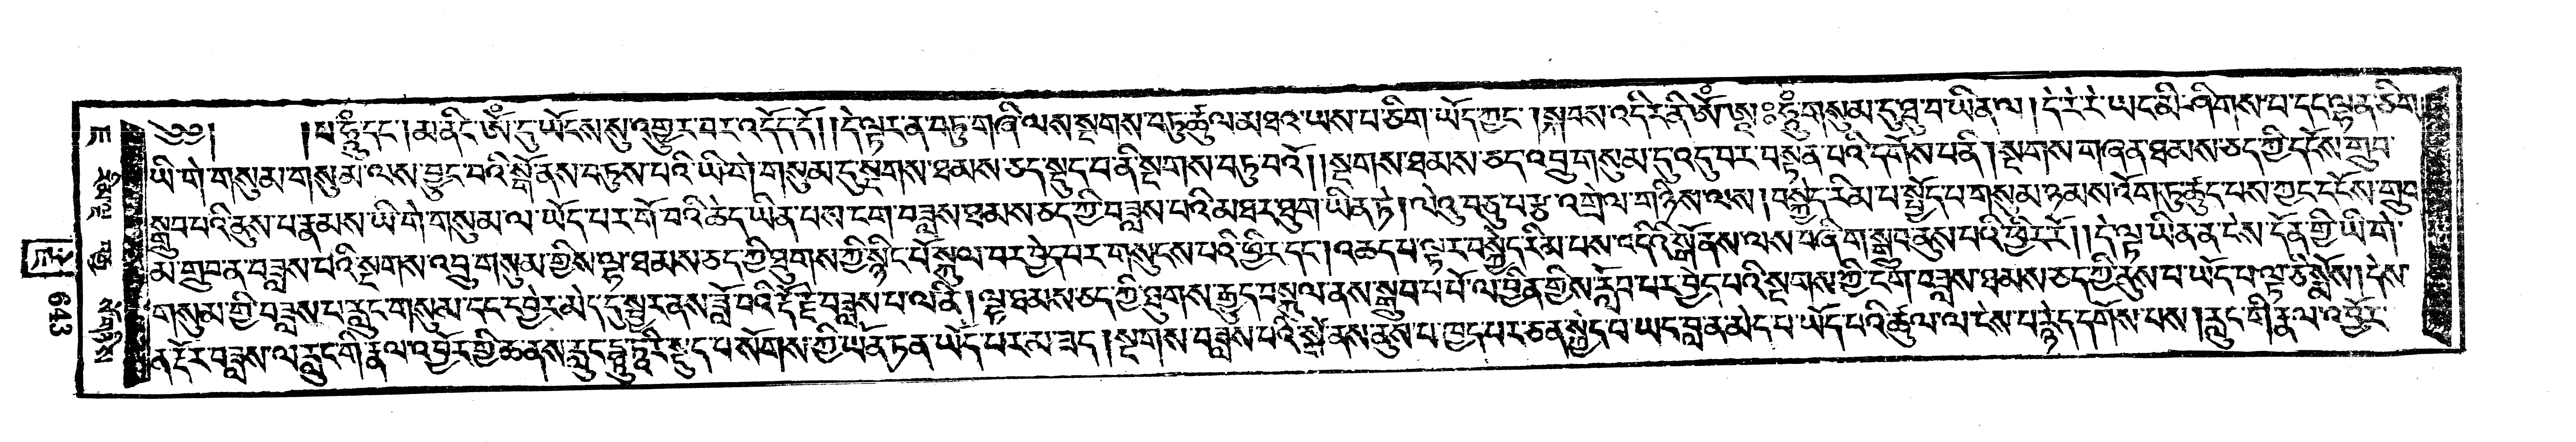༄༅། །པ་ཧཱུཾ་དང་། མ་ནིང་ཨོཾ་དུ་ཡོངས་སུ་འགྱུར་བར་འདོད་དོ། །དེ་ལྟར་ན་བཏུ་གཞི་ལས་སྔགས་བཏུ་ཚུལ་མཐའ་ཡས་པ་ཅིག་ཡོད་ཀྱང་། སྐབས་འདིར་ནི་ཨོཾ་ཨཱཿ ཧཱུཾ་གསུམ་དུ་ཐུ་བ་ཡིན་ལ། དེ་རེ་རེ་ཡང་མི་ཤིགས་པ་དང་ལྷན་ཅིག་
ཡི་གེ་གསུམ་གསུམ་ལས་བྱུང་བའི་སྒོ་ནས་བཏུས་པའི་ཡི་གེ་གསུམ་དུ་སྔགས་ཐམས་ཅད་སྡུད་པ་ནི་སྔགས་བཏུ་བའོ། །སྔགས་ཐམས་ཅད་འབྲུ་གསུམ་དུ་འདུ་བར་བསྟན་པའི་དགོས་པ་ནི། སྔགས་གཞན་ཐམས་ཅད་ཀྱི་དངོས་གྲུབ་
སྒྲུབ་པའི་ནུས་པ་རྣམས་ཡི་གེ་གསུམ་ལ་ཡོད་པར་གོ་བའི་ཆེད་ཡིན་པས་ངག་བཟླས་ཐམས་ཅད་ཀྱི་བཟླས་པའི་མཐར་ཐུག་ཡིན་ཏེ། ལེའུ་བཅུ་པ་རྩ་འགྲེལ་གཉིས་ལས། བསྐྱེད་རིམ་པ་སྤྱོད་པ་གསུམ་ཉམས་འོག་ཏུ་ཚུད་པས་ཀྱང་དངོས་གྲུབ་
མ་གྲུབ་ན་བཟླས་པའི་སྔགས་འབྲུ་གསུམ་གྱིས་ལྷ་ཐམས་ཅད་ཀྱི་ཐུགས་ཀྱི་སྙིང་པོ་སྐུལ་བར་བྱེད་པར་གསུངས་པའི་ཕྱིར་དང་། འཆད་པ་ལྟར་བསྐྱེད་རིམ་པས་འདིའི་སྒོ་ནས་ལས་བཞི་ག་སྒྲུབ་ནུས་པའི་ཕྱིར་རོ། །དེ་ལྟ་ཡིན་ན་ངེས་དོན་གྱི་ཡི་གེ་
གསུམ་གྱི་བཟླས་པ་རླུང་གསུམ་དང་དབྱེར་མེད་དུ་སྦྱར་ནས་ཟློ་བའི་རྡོ་རྗེ་བཟླས་པ་ལ་ནི། ལྷ་ཐམས་ཅད་ཀྱི་ཐུགས་རྒྱུད་བསྐུལ་ནས་སྒྲུབ་པ་པོ་ལ་བྱིན་གྱིས་རློབ་པར་བྱེད་པའི་སྔགས་ཀྱི་ངག་བཟླས་ཐམས་ཅད་ཀྱི་ནུས་པ་ཡོད་པ་ལྟ་ཅི་སྨོས། དེས་
ན་རྡོར་བཟླས་ལ་རླུང་གི་རྣལ་འབྱོར་གྱི་ཆ་ནས་རླུང་དྷཱུ་ཏཱིར་སྡུད་པ་སོགས་ཀྱི་ཡོན་ཏན་ཡོད་པར་མ་ཟད། སྔགས་བཟླས་བའི་སྒོ་ནས་ནུས་པ་ཁྱད་པར་ཅན་སྐྱེད་པ་ཡང་བླ་ན་མེད་པ་ཡོད་པའི་ཚུལ་ལ་ངེས་པ་རྙེད་དགོས་པས། རླུང་གི་རྣལ་འབྱོར་